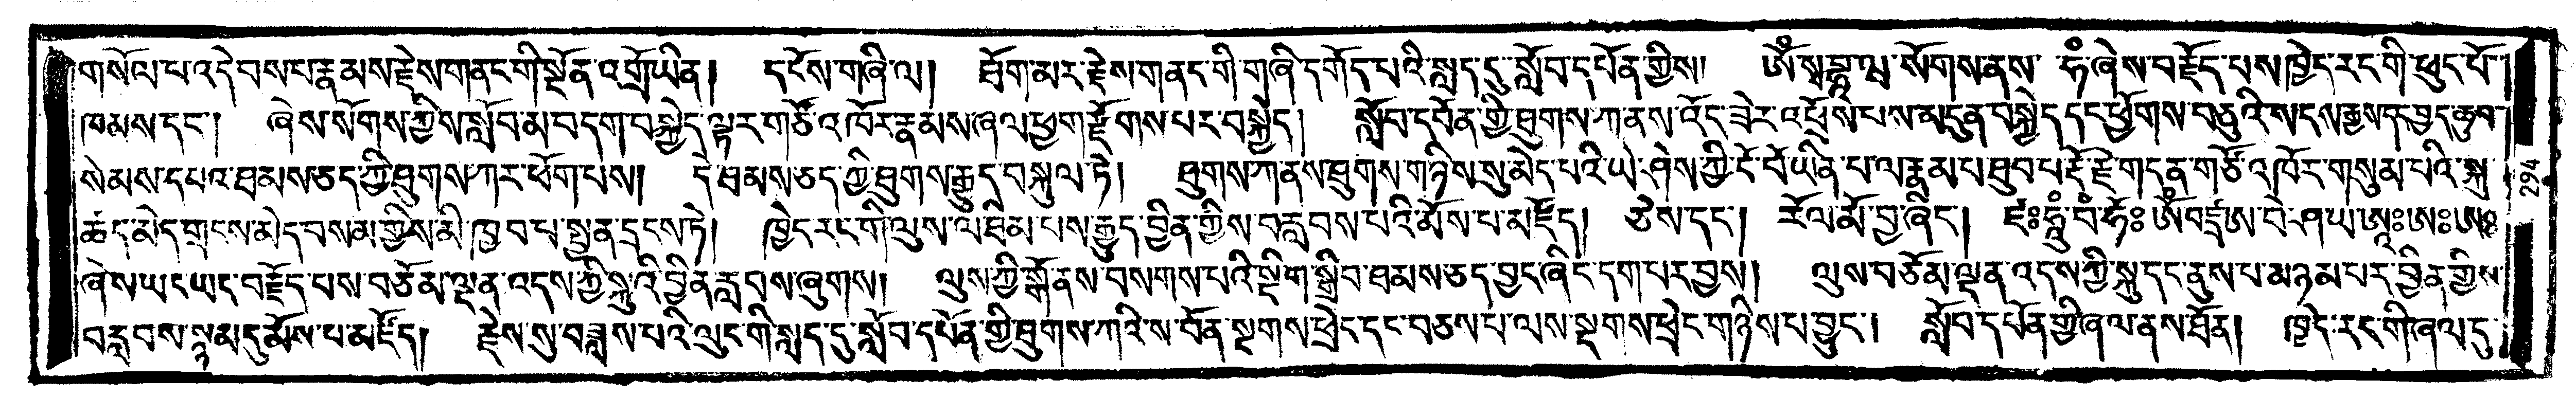གསོལ་པ་འདེབས་པ་རྣམས་རྗེས་གནང་གི་སྔོན་འགྲོ་ཡིན། དངོས་གཞི་ལ། ཐོག་མར་རྗེས་གནང་གི་གཞི་དགོད་པའི་སླད་དུ་སློབ་དཔོན་གྱིས། ཨོཾ་སྭ་བྷཱ་ཝ་སོགས་ནས་ཧཾ་ཞེས་བརྗོད་པས་ཁྱེད་རང་གི་ཕུང་པོ་
ཁམས་དང་། ཞེས་སོགས་ཀྱིས་སློབ་མ་བདག་བསྐྱེད་ལྟར་གཙོ་འཁོར་རྣམས་ཞལ་ཕྱག་རྫོགས་པར་བསྐྱེད། སློབ་དཔོན་གྱི་ཐུགས་ཀ་ནས་འོད་ཟེར་འཕྲོས་པས་མདུན་བསྐྱེད་དང་ཕྱོགས་བཅུའི་སངས་རྒྱས་དང་བྱང་ཆུབ་
སེམས་དཔའ་ཐམས་ཅད་ཀྱི་ཐུགས་ཀར་ཕོག་པས། དེ་ཐམས་ཅད་ཀྱི་ཐུགས་རྒྱུད་བསྐུལ་ཏེ། ཐུགས་ཀ་ནས་ཐུགས་གཉིས་སུ་མེད་པའི་ཡེ་ཤེས་ཀྱི་ངོ་བོ་ཡིན་པ་ལ་རྣམ་པ་ཐུབ་པ་རྡོ་རྗེ་གདན་གཙོ་འཁོར་གསུམ་པའི་སྐུ་
ཚད་མེད་གྲངས་མེད་བསམ་གྱིས་མི་ཁྱབ་པ་སྤྱན་དྲངས་ཏེ། ཁྱེད་རང་གི་ལུས་ལ་ཐིམ་པས་རྒྱུད་བྱིན་གྱིས་བརླབས་པའི་མོས་པ་མཛོད། ཅེས་དང་། རོལ་མོ་བྱ་ཞིང་། ཛཿཧཱུཾ་བཾ་ཧོཿཨོཾ་བཛྲ་ཨ་བེ་ཤ་ཡ་ཨཱཿཨཿཨཿ
ཞེས་ཡང་ཡང་བརྗོད་པས་བཅོམ་ལྡན་འདས་ཀྱི་སྐུའི་བྱིན་རླབས་ཞུགས། ལུས་ཀྱི་སྒོ་ནས་བསགས་པའི་སྡིག་སྒྲིབ་ཐམས་ཅད་བྱང་ཞིང་དག་པར་བྱས། ལུས་བཅོམ་ལྡན་འདས་ཀྱི་སྐུ་དང་ནུས་པ་མཉམ་པར་བྱིན་གྱིས་
བརླབས་སྙམ་དུ་མོས་པ་མཛོད། རྗེས་སུ་བཟླས་པའི་ལུང་གི་སླད་དུ་སློབ་དཔོན་གྱི་ཐུགས་ཀའི་ས་བོན་སྔགས་ཕྲེང་དང་བཅས་པ་ལས་སྔགས་ཕྲེང་གཉིས་པ་བྱུང་། སློབ་དཔོན་གྱི་ཞལ་ནས་ཐོན། ཁྱེད་རང་གི་ཞལ་དུ་